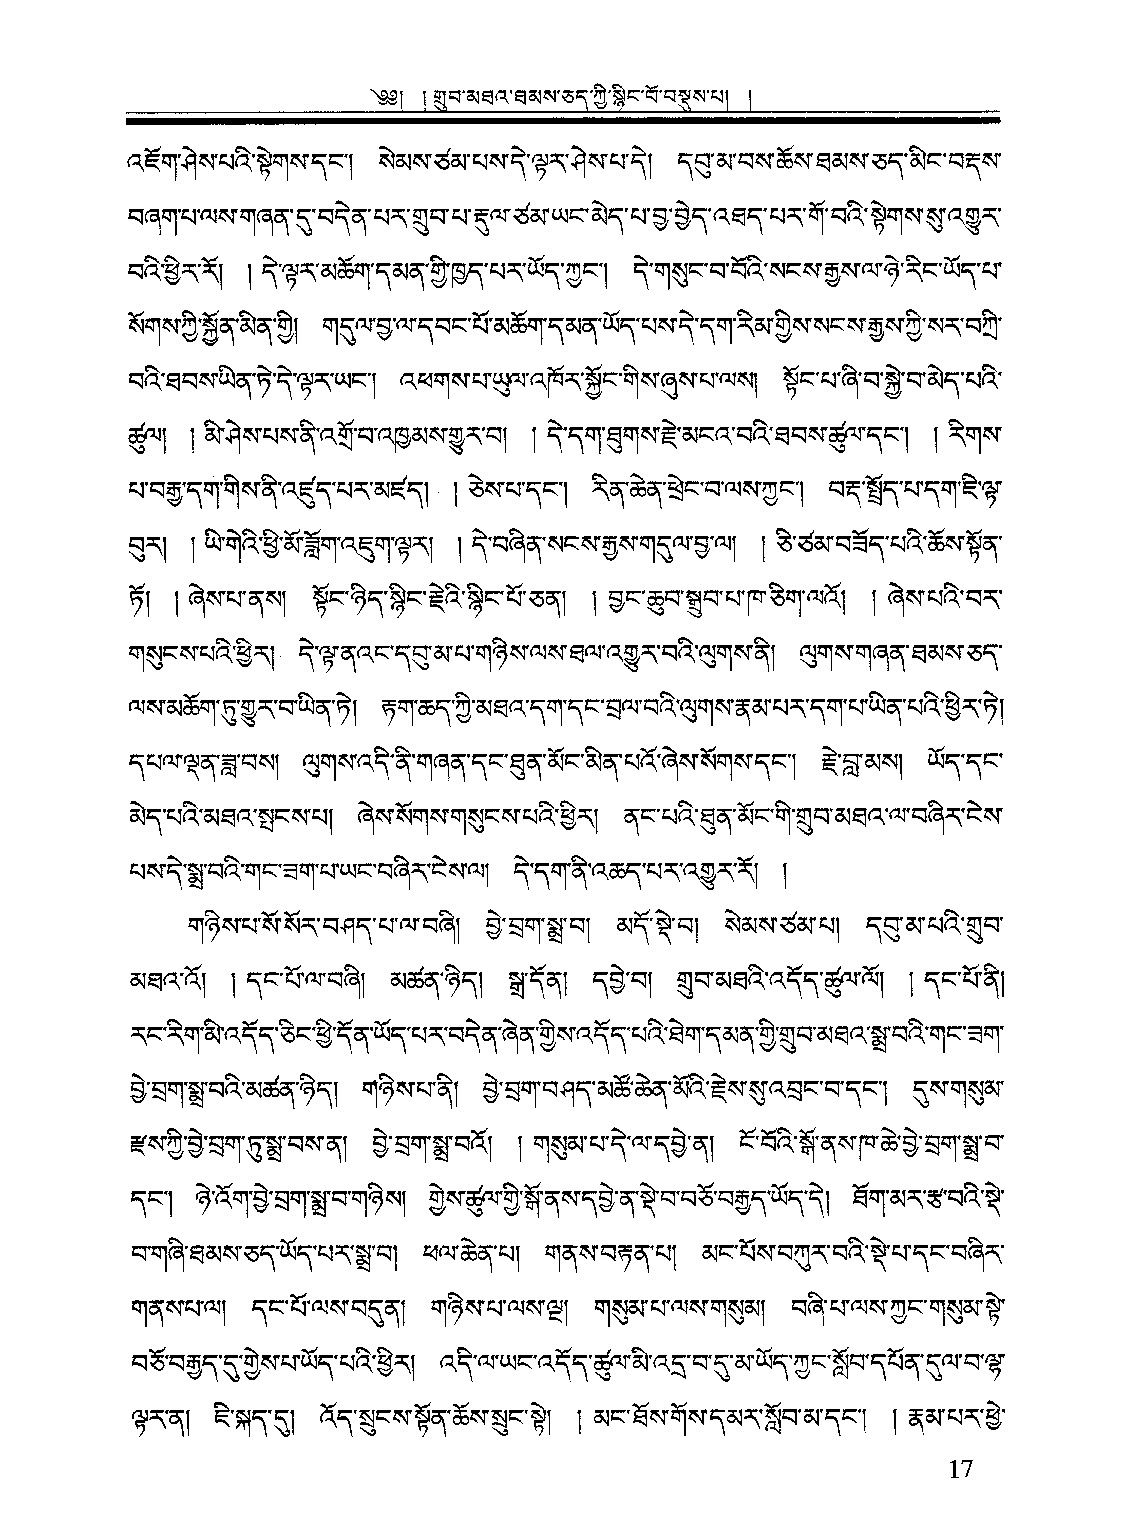འཇོག་ཤེས་པའི་སྟེགས་དང་། སེམས་ཙམ་པས་དེ་ལྟར་ཤེས་པ་དེ། དབུ་མ་བས་ཆོས་ཐམས་ཅད་མིང་བརྡས་
བཞག་པ་ལས་གཞན་དུ་བདེན་པར་གྲུབ་པ་རྡུལ་ཙམ་ཡང་མེད་པ་བྱ་བྱེད་འཐད་པར་གོ་བའི་སྟེགས་སུ་འགྱུར་
བའི་ཕྱིར་རོ། །དེ་ལྟར་མཆོག་དམན་གྱི་ཁྱད་པར་ཡོད་ཀྱང་། དེ་གསུང་བ་བོའི་སངས་རྒྱས་ལ་ཉེ་རིང་ཡོད་པ་
སོགས་ཀྱི་སྐྱོན་མིན་གྱི། གདུལ་བྱ་ལ་དབང་པོ་མཆོག་དམན་ཡོད་པས་དེ་དག་རིམ་གྱིས་སངས་རྒྱས་ཀྱི་སར་བཀྲི་
བའི་ཐབས་ཡིན་ཏེ་དེ་ལྟར་ཡང་། འཕགས་པ་ཡུལ་འཁོར་སྐྱོང་གིས་ཞུས་པ་ལས། སྟོང་པ་ཞི་བ་སྐྱེ་བ་མེད་པའི་
ཚུལ། །མི་ཤེས་པས་ནི་འགྲོ་བ་འཁྱམས་གྱུར་བ། །དེ་དག་ཐུགས་རྗེ་མངའ་བའི་ཐབས་ཚུལ་དང་། །རིགས་
པ་བརྒྱ་དག་གིས་ནི་འཛུད་པར་མཛད། །ཅེས་པ་དང་། རིན་ཆེན་ཕྲེང་བ་ལས་ཀྱང་། བརྡ་སྤྲོད་པ་དག་ཇི་ལྟ་
བུར། །ཡི་གེའི་ཕྱི་མོ་ཟློག་འཇུག་ལྟར། །དེ་བཞིན་སངས་རྒྱས་གདུལ་བྱ་ལ། །ཅི་ཙམ་བཟོད་པའི་ཆོས་སྟོན་
ཏོ། །ཞེས་པ་ནས། སྟོང་ཉིད་སྙིང་རྗེའི་སྙིང་པོ་ཅན། །བྱང་ཆུབ་སྒྲུབ་པ་ཁ་ཅིག་ལའོ། །ཞེས་པའི་བར་
གསུངས་པའི་ཕྱིར། དེ་ལྟ་ནའང་དབུ་མ་པ་གཉིས་ལས་ཐལ་འགྱུར་བའི་ལུགས་ནི། ལུགས་གཞན་ཐམས་ཅད་
ལས་མཆོག་ཏུ་གྱུར་བ་ཡིན་ཏེ། རྟག་ཆད་ཀྱི་མཐའ་དག་དང་བྲལ་བའི་ལུགས་རྣམ་པར་དག་པ་ཡིན་པའི་ཕྱིར་ཏེ།
དཔལ་ལྡན་ཟླ་བས། ལུགས་འདི་ནི་གཞན་དང་ཐུན་མོང་མིན་པའོ་ཞེས་སོགས་དང་། རྗེ་བླ་མས། ཡོད་དང་
མེད་པའི་མཐའ་སྤངས་པ། ཞེས་སོགས་གསུངས་པའི་ཕྱིར། ནང་པའི་ཐུན་མོང་གི་གྲུབ་མཐའ་ལ་བཞིར་ངེས་
པས་དེ་སྨྲ་བའི་གང་ཟག་པ་ཡང་བཞིར་ངེས་ལ། དེ་དག་ནི་འཆད་པར་འགྱུར་རོ། །
གཉིས་པ་སོ་སོར་བཤད་པ་ལ་བཞི། བྱེ་བྲག་སྨྲ་བ། མདོ་སྡེ་བ། སེམས་ཙམ་པ། དབུ་མ་པའི་གྲུབ་
མཐའ་འོ། །དང་པོ་ལ་བཞི། མཚན་ཉིད། སྒྲ་དོན། དབྱེ་བ། གྲུབ་མཐའི་འདོད་ཚུལ་ལོ། །དང་པོ་ནི།
རང་རིག་མི་འདོད་ཅིང་ཕྱི་དོན་ཡོད་པར་བདེན་ཞེན་གྱིས་འདོད་པའི་ཐེག་དམན་གྱི་གྲུབ་མཐའ་སྨྲ་བའི་གང་ཟག་
བྱེ་བྲག་སྨྲ་བའི་མཚན་ཉིད། གཉིས་པ་ནི། བྱེ་བྲག་བཤད་མཚོ་ཆེན་མོའི་རྗེས་སུ་འབྲང་བ་དང་། དུས་གསུམ་
རྫས་ཀྱི་བྱེ་བྲག་ཏུ་སྨྲ་བས་ན། བྱེ་བྲག་སྨྲ་བའོ། །གསུམ་པ་དེ་ལ་དབྱེ་ན། ངོ་བོའི་སྒོ་ནས་ཁ་ཆེ་བྱེ་བྲག་སྨྲ་བ་
དང་། ཉེ་འོག་བྱེ་བྲག་སྨྲ་བ་གཉིས། གྱེས་ཚུལ་གྱི་སྒོ་ནས་དབྱེ་ན་སྡེ་བ་བཅོ་བརྒྱད་ཡོད་དེ། ཐོག་མར་རྩ་བའི་སྡེ་
བ་གཞི་ཐམས་ཅད་ཡོད་པར་སྨྲ་བ། ཕལ་ཆེན་པ། གནས་བརྟན་པ། མང་པོས་བཀུར་བའི་སྡེ་པ་དང་བཞིར་
གནས་པ་ལ། དང་པོ་ལས་བདུན། གཉིས་པ་ལས་ལྔ། གསུམ་པ་ལས་གསུམ། བཞི་པ་ལས་ཀྱང་གསུམ་སྟེ་
བཅོ་བརྒྱད་དུ་གྱེས་པ་ཡོད་པའི་ཕྱིར། འདི་ལ་ཡང་འདོད་ཚུལ་མི་འདྲ་བ་དུ་མ་ཡོད་ཀྱང་སློབ་དཔོན་དུལ་བ་ལྷ་
ལྟར་ན། ཇི་སྐད་དུ། འོད་སྲུངས་སྟོན་ཆོས་སྲུང་སྟེ། །མང་ཐོས་གོས་དམར་སློབ་མ་དང་། །རྣམ་པར་ཕྱེ་